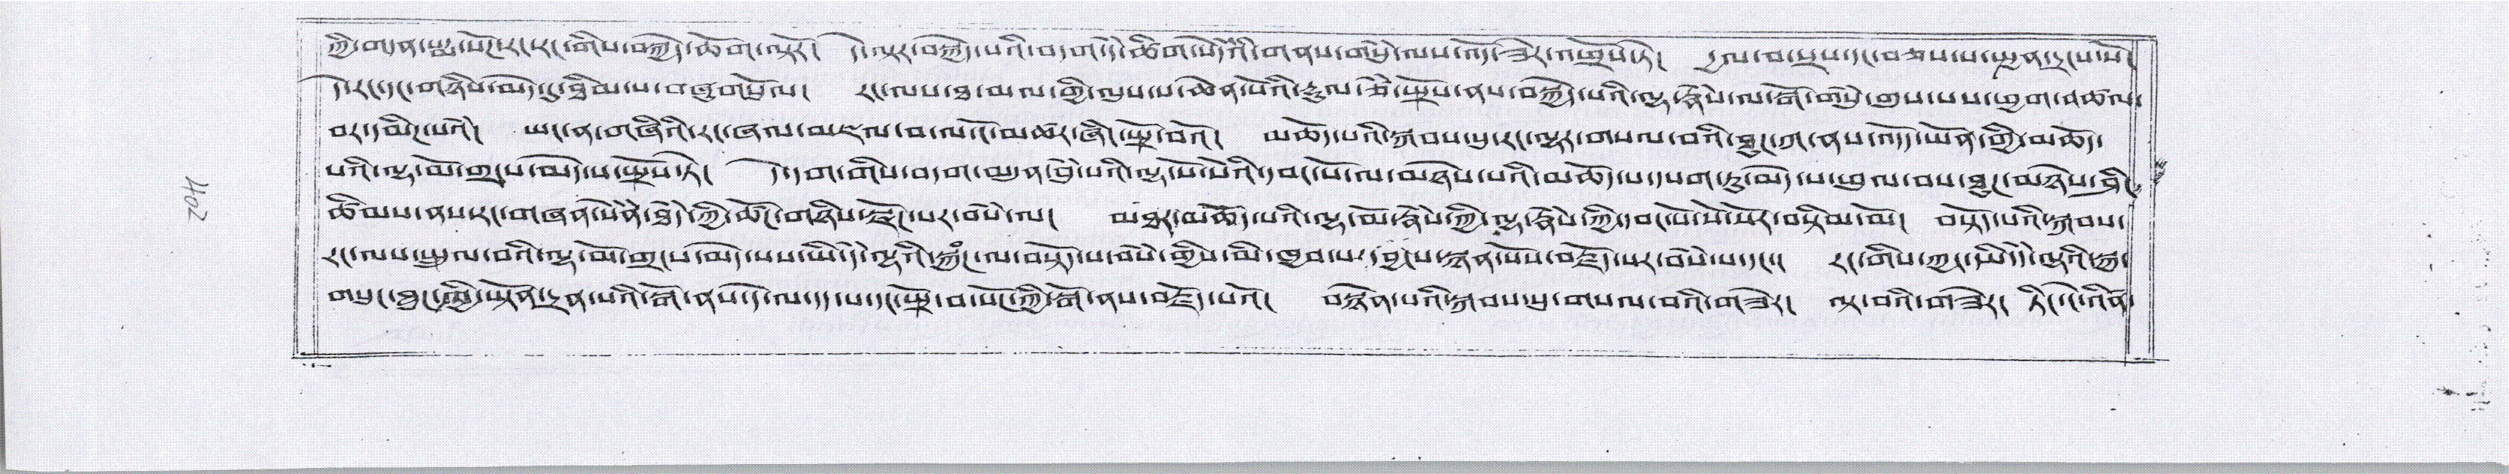ཀྱི་གདན་པདྨ་སོགས་རང་རང་གིས་བསྐྱེད་ཆོག་ལྟར་རོ། དེ་ལྟར་བསྐྱེད་པའི་བདག་དམ་ཚིག་སེམས་དཔའ་གནས་གསུམ་ལས་འོད་ཟེར་འཕྲོས་ཏེ། རྒྱལ་བ་སྲས་དང་བཅས་པ་སྤྱན་དྲངས་སོ།
 དེ་རང་དང་གཉིས་མེད་དུ་ཐིམ་པ་བཞུགས་སུ་གསོལ། རང་ལས་ཐ་མལ་གྱི་ལུས་ས་ཆེན་པོའི་རྡུལ་ཙམ་སྤྲོས་ནས་བསྐྱེད་པའི་ལྷ་རྣམས་ལ་སྒོ་གསུམ་གུས་པས་ཕྱག་འཚལ་
བར་དམིགས་པའམ། ཡང་ན་གཞིའི་རང་ཞལ་མཇལ་བ་ལ་ངོ་མཚར་ཞིང་སྤྲོ་བའོ། མཆོད་པའི་སྐབས་སུ་རང་ལྷར་གསལ་བའི་ཐུགས་ཀ་ནས་འདོད་ཡོན་གྱི་མཆོད་
པའི་ལྷ་མོ་གྲངས་མེད་པ་སྤྲོས་ཏེ། དེ་དག་གི་བདག་མདུན་བུམ་པའི་ལྷ་སོ་སོའི་དབང་པོ་ལ་མཉེས་པའི་མཆོད་པ་དཔག་ཏུ་མེད་པ་ཕུལ་བས་ཐུགས་མཉེས་ཤིང་
ཚིམས་ནས་རང་གཞན་སེམས་ཅན་ཐམས་ཅད་ཀྱི་ཚོགས་གཉིས་རྫོགས་པར་བསམ་ལ། མཐར་མཆོད་པའི་ལྷ་མོ་རྣམས་ཀྱི་ལྷ་རྣམས་ཀྱི་དབང་པོ་སོ་སོར་བསྟིམ་མོ། བསྟོད་པའི་སྐབས་
རང་ལས་སྤྲུལ་པའི་ལྷ་མོ་གྲངས་མེད་པས་ཡི་དམ་ལྷ་ཡི་སྐུ་གསུང་ཐུགས་ལ་བསྟོད་པ་བསམ་གྱིས་མི་ཁྱབ་པ་དབྱངས་སྙན་པོས་བརྗོད་པར་བསམ་པ་དང་། རང་གིས་ཀྱང་ཡི་དམ་ལྷའི་སྐུ་
གསུང་ཐུགས་ཀྱི་ཡོན་ཏན་དྲན་པའི་སྒོ་ནས་དེ་ལ་དད་པ་དང་སྤྲོ་བ་སོགས་ཀྱི་སྒོ་ནས་བརྗོད་པའོ། བསྙེན་པའི་སྐབས་སུ་གསལ་བའི་གཟེར། ལྟ་བའི་གཟེར། ཏིང་ངེ་འཛིན་